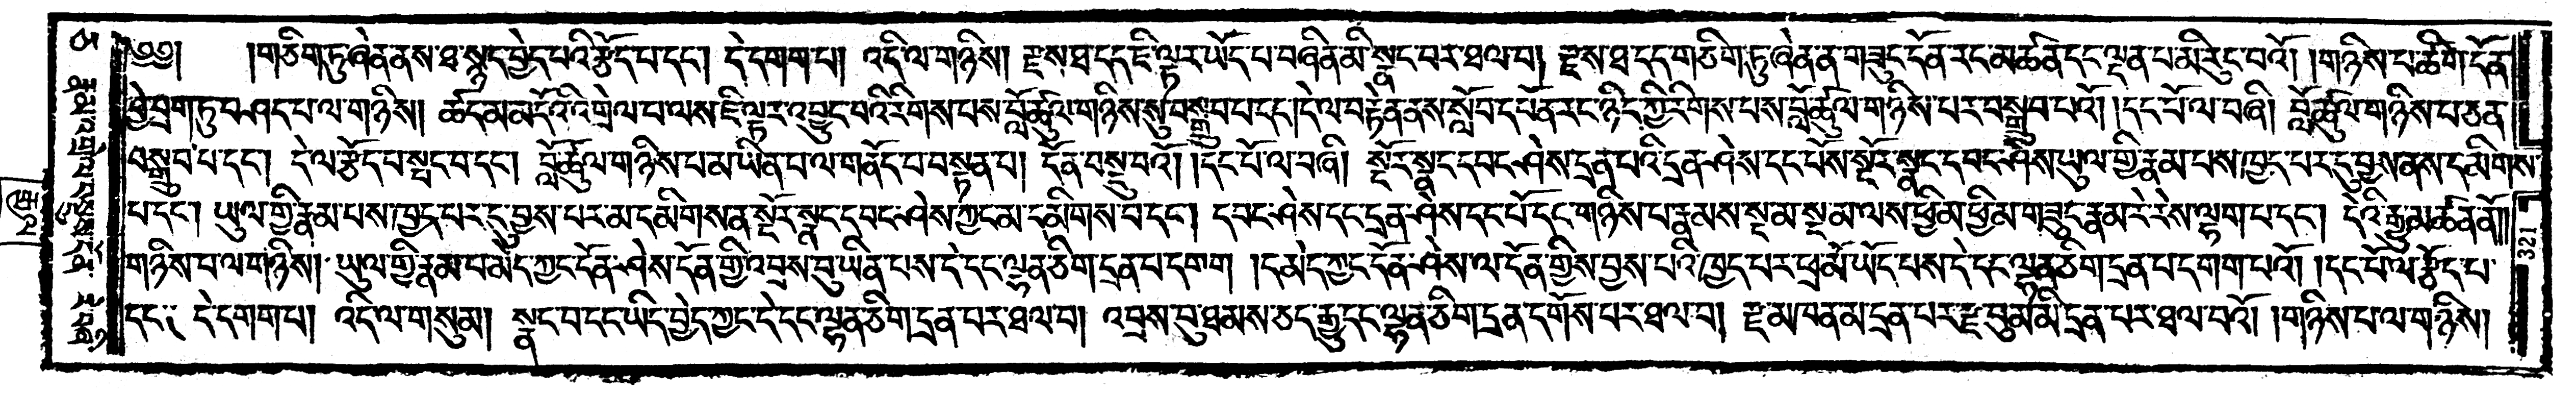༄༅། །གཅིག་ཏུ་ཞེན་ནས་ཐ་སྙད་བྱེད་པའི་རྩོད་པ་དང་། དེ་དགག་པ། འདི་ལ་གཉིས། རྫས་ཐ་དད་ཇི་ལྟར་ཡོད་པ་བཞིན་མི་སྣང་བར་ཐལ་བ། རྫས་ཐ་དད་གཅིག་ཏུ་ཞེན་ན་གཟུང་དོན་རང་མཚན་དང་ལྡན་པ་མི་རུང་བའོ། །གཉིས་པ་ཚིག་དོན་
བྱེ་བྲག་ཏུ་བཤད་པ་ལ་གཉིས། ཚད་མ་མདོའི་འགྲེལ་པ་ལས་ཇི་ལྟར་འབྱུང་བའི་རིགས་པས་བློ་ཚུལ་གཉིས་སུ་བསྒྲུབ་པ་དང་། དེ་ལ་བརྟེན་ནས་སློབ་དཔོན་རང་ཉིད་ཀྱི་རིགས་པས་བློ་ཚུལ་གཉིས་པར་བསྒྲུབ་པའོ། །དང་པོ་ལ་བཞི། བློ་ཚུལ་གཉིས་པ་ཅན་
བསྒྲུབ་པ་དང་། དེ་ལ་རྩོད་པ་སྤང་བ་དང་། བློ་ཚུལ་གཉིས་པ་མ་ཡིན་པ་ལ་གནོད་པ་བསྟན་པ། དོན་བསྡུ་བའོ། །དང་པོ་ལ་བཞི། སྔོར་སྣང་དབང་ཤེས་དྲན་པའི་དྲན་ཤེས་དང་པོས་སྔོར་སྣང་དབང་ཤེས་ཡུལ་གྱི་རྣམ་པས་ཁྱད་པར་དུ་བྱས་ནས་དམིགས་
པ་དང་། ཡུལ་གྱི་རྣམ་པས་ཁྱད་པར་དུ་བྱས་པར་མ་དམིགས་ན་སྔོར་སྣང་དབང་ཤེས་ཀྱང་མ་དམིགས་པ་དང་། དབང་ཤེས་དང་དྲན་ཤེས་དང་པོ་དང་གཉིས་པ་རྣམས་སྔ་མ་སྔ་མ་ལས་ཕྱི་མ་ཕྱི་མ་གཟུང་རྣམ་རེ་རེས་ལྷག་པ་དང་། དེའི་རྒྱུ་མཚན་ནོ།།
གཉིས་པ་ལ་གཉིས། ཡུལ་གྱི་རྣམ་པ་མེད་ཀྱང་དོན་ཤེས་དོན་གྱི་འབྲས་བུ་ཡིན་པས་དེ་དང་ལྷན་ཅིག་དྲན་པ་དགག །དེ་མེད་?་ཀྱང་དོན་ཤེས་ལ་དོན་གྱིས་བྱས་པའི་ཁྱད་པར་ཕྲ་མོ་ཡོད་པས་དེ་དང་ལྷན་ཅིག་དྲན་པ་དགག་པའོ། །དང་པོ་ལ་རྩོད་པ་
དང་། དེ་དགག་པ། འདི་ལ་གསུམ། སྣང་བ་དང་ཡིད་བྱེད་ཀྱང་དེ་དང་ལྷན་ཅིག་དྲན་པར་ཐལ་བ། འབྲས་བུ་ཐམས་ཅད་རྒྱུ་དང་ལྷན་ཅིག་དྲན་དགོས་པར་ཐལ་བ། རྫ་མཁན་མ་དྲན་པར་རྫ་བུམ་མི་དྲན་པར་ཐལ་བའོ། །གཉིས་པ་ལ་གཉིས།